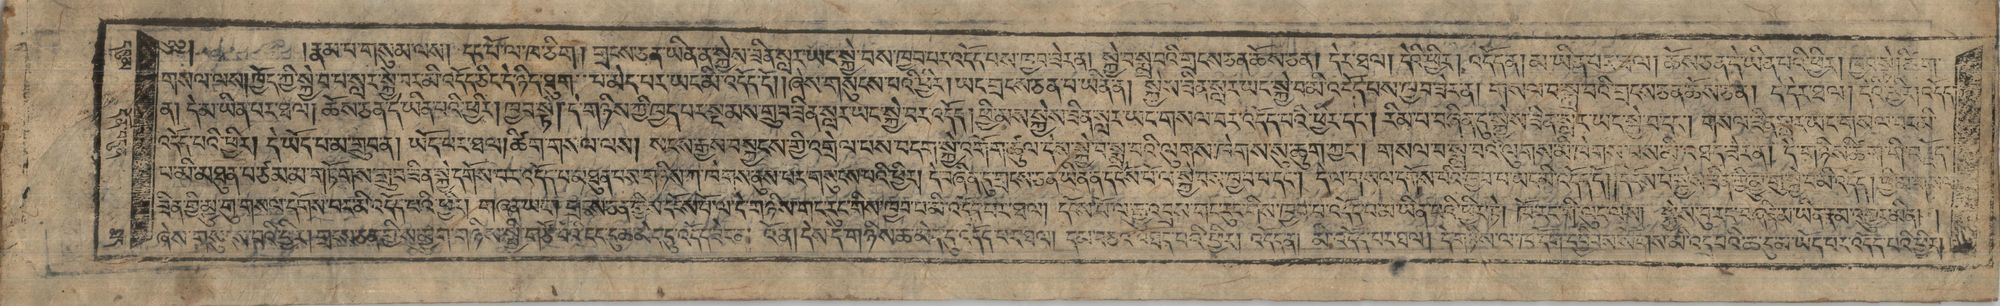༄༅། །རྣམ་པ་གསུམ་ལས། དང་པོ་ལ་ཁ་ཅིག །གྲངས་ཅན་ཡིན་ན་སྐྱེས་ཟིན་སླར་ཡང་སྐྱེ་བས་ཁྱབ་པར་འདོད་པས་ཁྱབ་ཟེར་ན། སྐྱེ་བ་སྨྲ་བའི་གྲངས་ཅན་ཆོས་ཅན། དེར་ཐལ། དེའི་ཕྱིར། འདོད་ན། མ་ཡིན་པར་ཐལ། ཆོས་ཅན་དེ་ཡིན་པའི་ཕྱིར། ཁྱབ་སྟེ་ཚིག་
གསལ་ལས། ཁྱོད་ཀྱི་སྐྱེ་བ་བསླརྶྐྱེ་བར་མི་འདོད་ཅིང་དེ་ཉིད་ཐུག་པ་མེད་པར་ཡང་མི་འདོད་དོ། །ཞེས་གསུངས་པའི་ཕྱིར། ཡང་གྲངས་ཅན་པ་ཡིན་ན། སྐྱེས་ཟིན་སླར་ཡང་སྐྱེ་བ་མི་འདོད་པས་ཁྱབ་ཟེར་ན། གསལ་བ་སྨྲ་བའི་གྲངས་ཅན་ཆོས་ཅན། དེ་དེར་ཐལ། དེའི་ཕྱིར། འདོད་
ན། དེ་མ་ཡིན་པར་ཐལ། ཆོས་ཅན་དེ་ཡིན་པའི་ཕྱིར། ཁྱབ་སྟེ། དེ་གཉིས་ཀྱི་ཁྱད་པར་སྔ་མས་གྲུབ་ཟིན་སླར་ཡང་སྐྱེ་བར་འདོད། ཕྱི་མས་སྐྱེས་ཟིན་སླར་ཡང་གསལ་བར་འདོད་པའི་ཕྱིར་དང་། རིམ་པ་བཞིན་དུ་སྐྱེས་ཟིན་སླར་ཡང་སྐྱེ་བ་དང་། གསལ་ཟིན་སླར་ཡང་གསལ་བར་མི་
འདོད་པའི་ཕྱིར། དེ་ཡོད་པ་མ་གྲུབ་ན། ཡོད་པར་ཐལ། ཚིག་གསལ་ལས། སངས་རྒྱས་བསྐྱངས་ཀྱི་འགྲེལ་པས་བདག་སྐྱེ་འགོག་ཚུལ་དེས་སྐྱེ་བ་སྨྲ་བའི་ལུགས་ཁེགས་སུ་ཆུག་ཀྱང་། གསལ་བ་སྨྲ་བའི་ལུགས་མི་ཁེགས་པས་མི་འཐད་ཟེར་ན། དེ་གཉིས་ཚིག་གི་བརྗོད་
པ་མི་མཐུན་པ་ཙམ་མ་གཏོགས་གྲུབ་ཟིན་སྐྱེ་དགོས་པར་འདོད་པ་མཐུན་པས་གཉིས་ཀ་ཁེགས་ནུས་པར་གསུངས་པའི་ཕྱིར། དེ་བཞིན་དུ་གྲངས་ཅན་ཡིན་ན་དངོས་པོ་ལ་སྐྱེ་བས་ཁྱབ་པ་དང་། དེ་ལ་གསལ་དགོས་པའི་ཁྱབ་པ་ཡང་མི་འདོད་དོ། །དངོས་པོ་སྐྱེས་ཟིན་གྱི་མྱུ་གུ་སྐྱེ་བ་མི་འདོད། ཕྱི་མ་གསལ་
ཟིན་གྱི་མྱུ་གུ་གསལ་དགོས་པར་མི་འདོད་པའི་ཕྱིར། གཞན་ཡང་། གྲངས་ཅན་གྱིས་དངོས་པོ་ལ་དེ་གཉིས་གང་རུང་གིས་ཁྱབ་པ་མི་འདོད་པར་ཐལ། དངོས་པོ་ལ་རྒྱུ་འབྲས་གང་རུང་གིས་ཁྱབ་པ་འདོད་པ་མ་ཡིན་པའི་ཕྱིར་ཏེ། ཁོ་རང་གི་ལུང་ལས། སྐྱེས་བུ་རང་བཞིན་མ་ཡིན་རྣམ་འགྱུར་མིན། །
ཞེས་གསུངས་པའི་ཕྱིར། གྲངས་ཅན་གྱི་ས་མྱུག་གཉིས་སྤྱི་གཙོ་བོའི་དང་དུ་ཆ་མེད་དུ་འདོད་ཟེར་ན། འོ་ན། དེས་དེ་གཉིས་ཆ་མེད་དུ་འདོད་པར་ཐལ། དམ་བཅའ་འཐད་པའི་ཕྱིར། འདོད་ན། མི་འདོད་པར་ཐལ། དེ་གཉིས་ལ་ཁ་དོག་དབྱིབས་སོགས་མི་འདྲ་བའི་ཆ་དུ་མ་ཡོད་པར་འདོད་པའི་ཕྱིར།